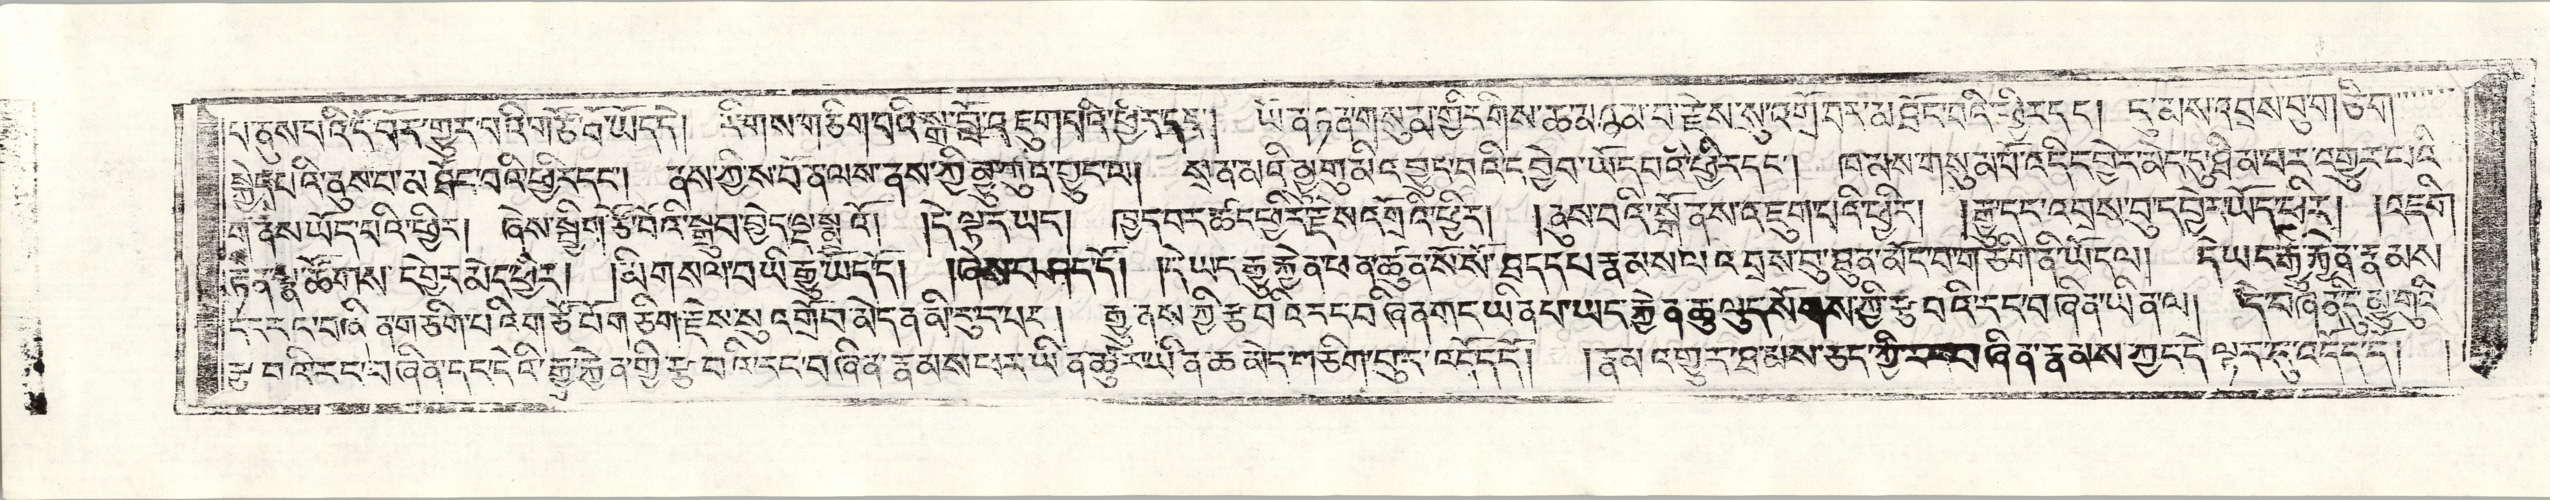པ་ནུས་པའི་ངོ་བོར་གྱུར་པའི་གཙོ་བོ་ཡོད་དེ། རིགས་གཅིག་པའི་སྒྲ་བློ་འཇུག་པའི་ཕྱིར་དང་། ཡོན་ཏན་གསུམ་གྱི་རིགས་ཆ་མཉམ་པ་རྗེས་སུ་འགྲོ་བར་མཐོང་བའི་ཕྱིར་དང་། རྒྱུ་༄༅། །དུ་མས་འབྲས་བུ་གཅིག་སྐྱེད་པའི་ནུས་པ་མཐོང་བའི་ཕྱིར་དང་། ནས་ཀྱི་ས་བོན་ལས་ནས་ཀྱི་མྱུ་གུ་འབྱུང་ལ། སྲན་མའི་མྱུ་གུ་མི་འབྱུང་བའི་དབྱེ་བ་ཡོད་པའི་ཕྱིར་དང་། ཁམས་གསུམ་པོ་འདི་དབྱེར་མེད་དུ་ཐིམ་པར་འགྱུར་བའི་
གནས་ཡོད་པའི་ཕྱིར། ཞེས་སྤྱི་གཙོ་བོའི་སྒྲུབ་བྱེད་ལྔ་སྨྲའོ། །དེ་ལྟར་ཡང་། ཁྱད་པར་ཚང་ཕྱིར་རྗེས་འགྲོའི་ཕྱིར། །ནུས་པའི་སྒོ་ནས་འཇུག་པའི་ཕྱིར། །རྒྱུ་དང་འབྲས་བུ་དབྱེར་ཡོད་ཕྱིར། །འཇིག་རྟེན་སྣ་ཚོགས་དབྱེར་མེད་ཕྱིར། །མི་གསལ་བ་ཡི་
རྒྱུ་ཡོད་དོ། ཞེས་བཤད་དོ། །དེ་ཡང་རྒྱུ་རྐྱེན་ཕན་ཚུན་སོ་སོ་ཐ་དད་པ་རྣམས་ལ་འབྲས་བུ་ཐུན་མོང་བ་གཅིག་ནི་ཡོད་ལ། དེ་ཡང་རྒྱུ་རྐྱེན་རྣམས་དང་རང་བཞིན་གཅིག་པའི་གཙོ་བོ་གཅིག་རྗེས་སུ་འགྲོ་བ་མེད་ན་མི་རུང་བར། རྒྱུ་ནས་ཀྱི་བྱ་བའི་རང་བཞིན་གང་
ཡིན་པ་ཡང་རྐྱེན་ཆུ་ལུད་སོགས་ཀྱི་རྩ་བའི་རང་བཞིན་ཡིན་ལ། དེ་བཞིན་དུ་མྱུ་གུའི་རྩ་བའི་རང་བཞིན་དང་དེའི་རྒྱུ་རྐྱེན་གྱི་རྩ་བའི་རང་བཞིན་རྣམས་ཕར་ཡིན་ཚུར་ཡིན་ཆ་མེད་གཅིག་པུར་འདོད་དོ། །རྣམ་འགྱུར་ཐམས་ཅད་ཀྱི་རང་བཞིན་རྣམས་ཀྱང་དེ་ལྟར་དུ་
འདོད་དོ།